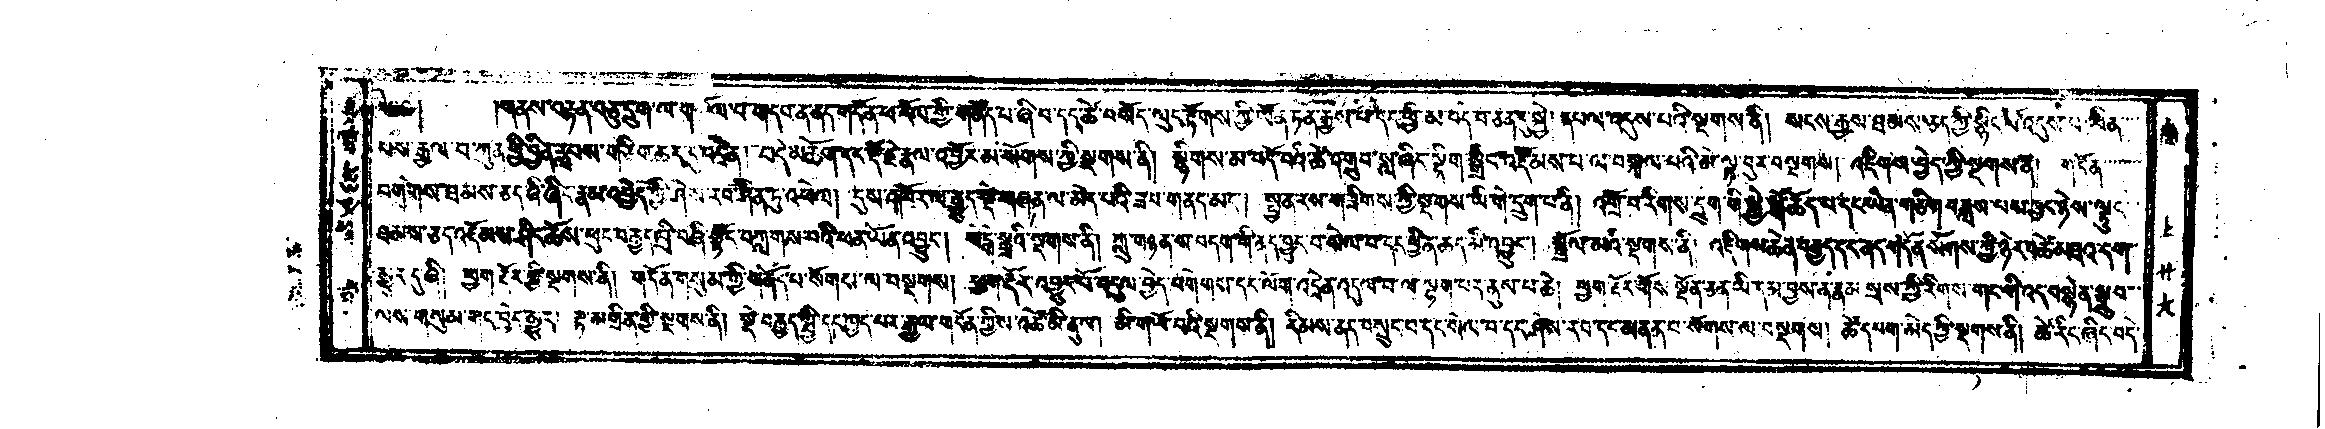༄༅། །གནས་བརྟན་བཅུ་དྲུག་ལ་གསོལ་བ་གདབ་ན་ནད་གདོན་ཕ་རོལ་གྱི་གནོད་པ་ཞི་བ་དང་ཚེ་བསོད་ལུང་རྟོགས་ཀྱི་ཡོན་ཏན་རྒྱས་པ་དང་ཕྱི་མ་བདེ་བ་ཅན་དུ་སྐྱེ། དཔལ་འདུས་པའི་སྔགས་ནི། སངས་རྒྱས་ཐམས་ཅད་ཀྱི་སྙིང་པོ་འདུས་པ་ཡིན་
པས་རྒྱལ་བ་ཀུན་གྱི་བྱིན་རླབས་གཅིག་ཆར་དུ་འདྲེན། བདེ་མཆོག་དང་རྡོ་རྗེ་རྣལ་འབྱོར་མ་སོགས་ཀྱི་སྔགས་ནི། སྙིགས་མ་བདོ་བའི་ཚེ་འགྲུབ་སླ་ཞིང་སྡིག་སྒྲིབ་འཇོམས་པ་ལ་བསྐལ་པའི་མེ་ལྟ་བུར་བསྔགས། འཇིགས་བྱེད་ཀྱི་སྔགས་ནི། གདོན་
བགེགས་ཐམས་ཅད་ཞི་ཞིང་རྣམ་འབྱེད་ཀྱི་ཤེས་རབ་ཤིན་ཏུ་འཕེལ། དུས་འཁོར་ལ་རྒྱུད་སྡེ་གཞན་ལ་མེད་པའི་ཟབ་གནད་མང་། སྤྱན་རས་གཟིགས་ཀྱི་སྔགས་ཡི་གེ་དྲུག་པ་ནི། འགྲོ་བ་རིགས་དྲུག་གི་སྐྱེ་སྒོ་ཆོད་པ་དང་ལན་གཅིག་བཟླས་པས་ཀྱང་ཉེས་ལྟུང་
ཐམས་ཅད་འཇོམས་ཤིང་ཆོས་ཕུང་བརྒྱད་ཁྲི་བཞི་སྟོང་བཀླགས་པའི་ཕན་ཡོན་འབྱུང་། སེངྒེ་སྒྲའི་སྔགས་ནི། ཀླུ་གཉན་ས་བདག་གི་ནད་བྱུང་བ་སེལ་བ་དང་ཕྱིན་ཆད་མི་འབྱུང་། སྒྲོལ་མའི་སྔགས་ནི། འཇིགས་ཆེན་བརྒྱད་དང་ནད་གདོན་སོགས་ཀྱི་ཉེར་འཚེ་མཐའ་དག་
མྱུར་དུ་ཞི། ཕྱག་རྡོར་གྱི་སྔགས་ནི། གདོན་གསུམ་གྱི་གནོད་པ་སོགས་ལ་བསྔགས། ཕྱག་རྡོར་འབྱུང་པོ་འདུལ་བྱེད་བགེགས་དང་ལོག་འདྲེན་འདུལ་བ་ལ་ལྷག་པར་ནུས་པ་ཆེ། ཕྱག་རྡོར་གོས་སྔོན་ཅན་ཡི་དམ་བྱས་ན་རྣམ་སྲས་ཀྱི་རིགས་གང་གི་འང་བསྙེན་སྒྲུབ་
ལས་གསུམ་གང་བྱེད་མྱུར། རྟ་མགྲིན་གྱི་སྔགས་ནི། སྡེ་བརྒྱད་སྤྱི་དང་ཁྱད་པར་རྒྱལ་གདོན་གྱིས་འཚེ་མི་ནུས། མི་གཡོ་བའི་སྔགས་ནི། རིམས་ནད་བསྲུང་བ་དང་སེལ་བ་དང་ཤེས་རབ་དང་མནན་པ་སོགས་ལ་བསྔགས། ཚེ་དཔག་མེད་ཀྱི་སྔགས་ནི། ཚེ་རིང་ཞིང་བདེ